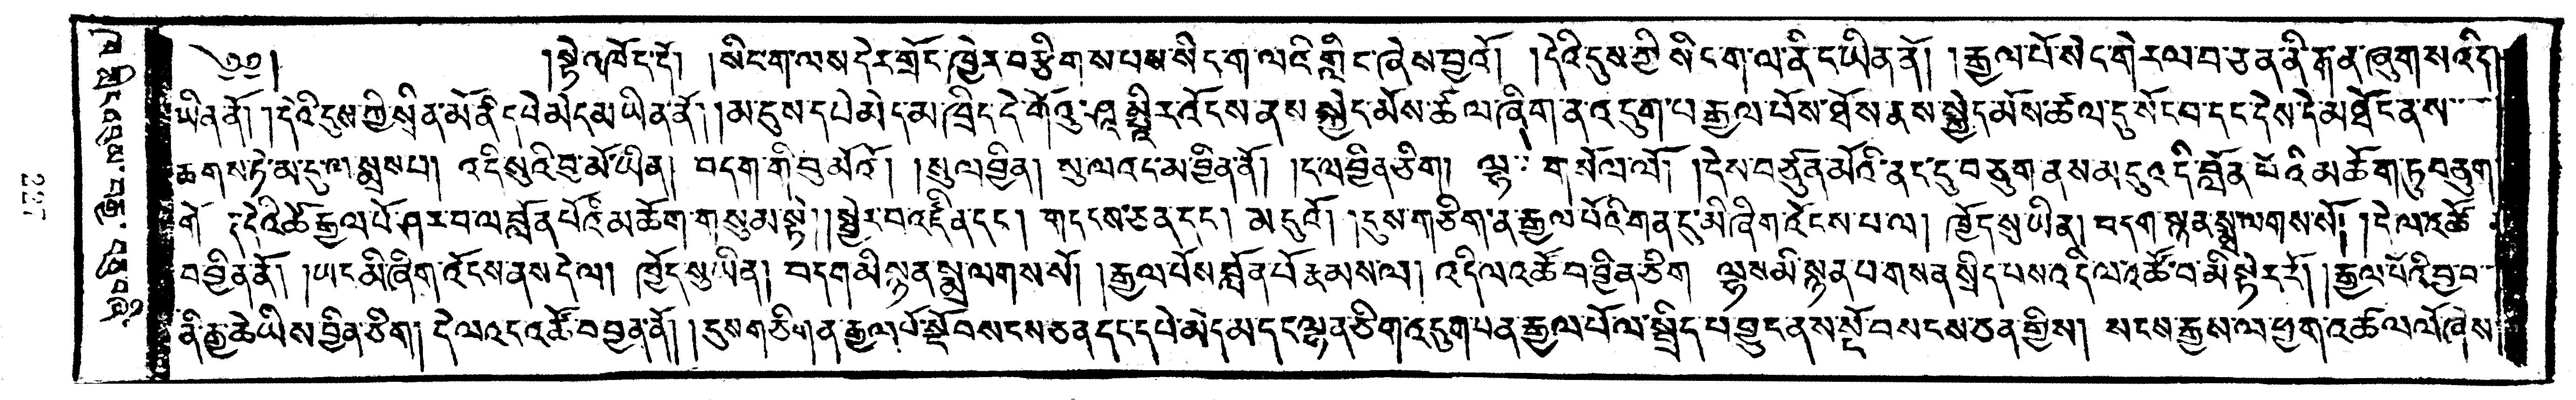༄༅། །སྟེ་འཁོད་དོ། །སིང་ག་ལས་དེར་གྲོང་ཁྱེར་བརྩིགས་པས་སིང་ག་ལའི་གླིང་ཞེས་བྱའོ། །དེའི་དུས་ཀྱི་སིང་ག་ལ་ནི་ང་ཡིན་ནོ། །རྒྱལ་པོ་སེང་གེ་རལ་བ་ཅན་ནི་རྒན་ཞུགས་འདི་
ཡིན་ནོ། །དེའི་དུས་ཀྱི་སྲིན་མོ་ནི་དཔེ་མེད་མ་ཡིན་ནོ། །མ་དུས་དཔེ་མེད་མ་ཁྲིད་དེ་གོའུ་ཤཱ་མྤཱིར་འོངས་ནས་སྐྱེད་མོས་ཚལ་ཞིག་ན་འདུག་པ་རྒྱལ་པོས་ཐོས་ནས་སྐྱེད་མོས་ཚལ་དུ་སོང་བ་དང་དེས་དེ་མཐོང་ནས་
ཆགས་ཏེ་མ་དུ་ལ་སྨྲས་པ། འདི་སུའི་བུ་མོ་ཡིན། བདག་གི་བུ་མོའོ། །སུ་ལ་བྱིན། སུ་ལའང་མ་བྱིན་ནོ། །ང་ལ་བྱིན་ཅིག། ལྷ་གསོལ་ལོ། །དེས་བཙུན་མོའི་ནང་དུ་བཅུག་ནས་མ་དུ་འདི་བློན་པོའི་མཆོག་ཏུ་བཅུག་
གོ ༑དེའི་ཆོ་རྒྱལ་པོ་ཤར་བ་ལ་བློན་པོའི་མཆོག་གསུམ་སྟེ། །སྦྱོར་བ་འཛིན་དང་། གདངས་ཅན་དང་། མདུའོ། །དུས་གཅིག་ན་རྒྱལ་པོའི་གན་དུ་མི་ཞིག་འོངས་པ་ལ། ཁྱོད་སུ་ཡིན། བདག་སྙན་སྨྲ་ལགས་སོ། །དེ་ལ་འཚོ་
བ་བྱིན་ནོ། །ཡང་མི་ཞིག་འོངས་ནས་དེ་ལ། ཁྱོད་སུ་ཡིན། བདག་མི་སྙན་སྨྲ་ལགས་སོ། །རྒྱལ་པོས་བློན་པོ་རྣམས་ལ། འདི་ལ་འཚོ་བ་བྱིན་ཅིག་ལྷས་མི་སྙན་པ་གསན་སྲིད་པས་འདི་ལ་འཚོ་བ་མི་སྟེར་རོ། །རྒྱལ་པོའི་བྱ་བ་
ནི་རྒྱ་ཆེ་ཡིས་བྱིན་ཅིག། དེ་ལའང་འཚོ་བ་བྱན་ནོ། །དུས་གཅིག་ན་རྒྱལ་པོ་སྔོ་བསངས་ཅན་དང་དཔེ་མེད་མ་དང་ལྷན་ཅིག་འདུག་པ་ན་རྒྱལ་པོ་ལ་སྦྲིད་པ་བྱུང་ནས་སྔོ་བསངས་ཅན་གྱིས། སངས་རྒྱས་ལ་ཕྱག་འཚལ་ལོ་ཞེས་